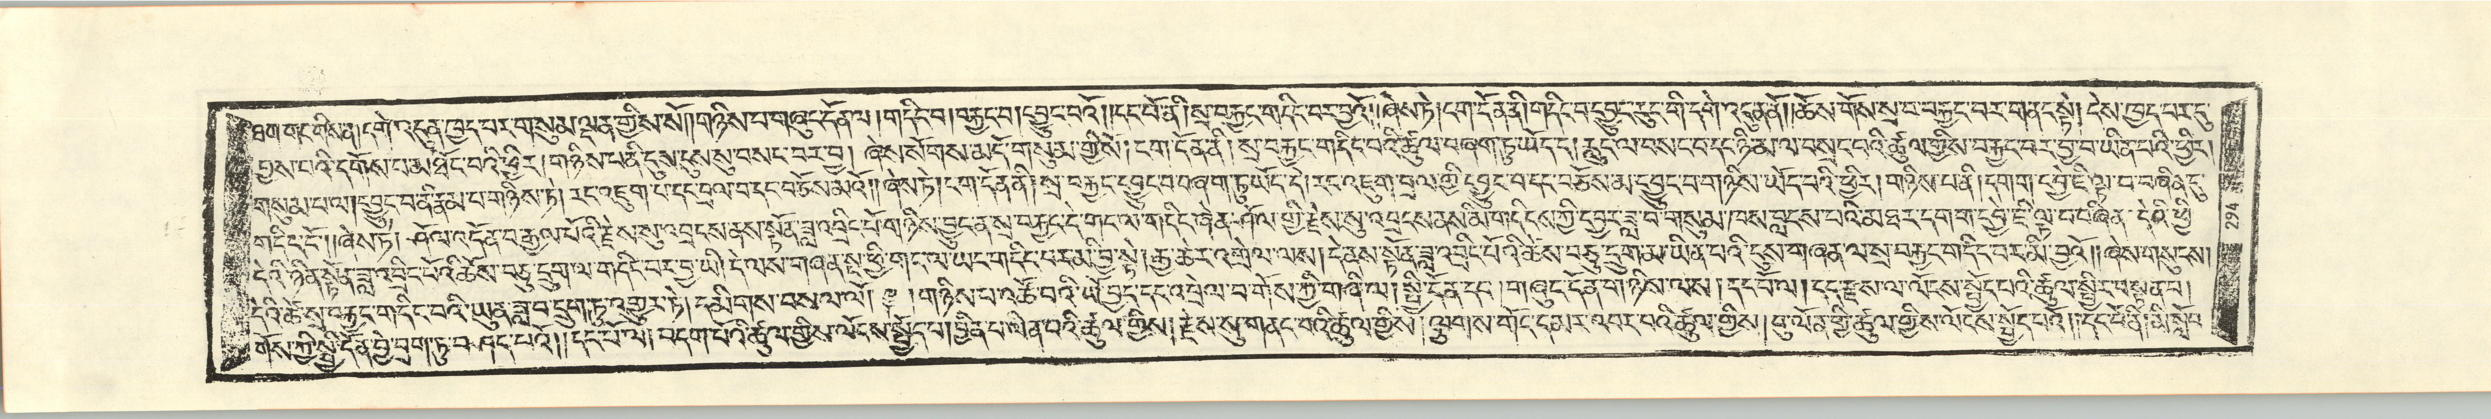ཐག་གང་གིས་ན། དགེ་འདུན་ཁྱད་པར་གསུམ་ལྡན་གྱིས་སོ། །གཉིས་པ་གཞུང་དོན་ལ། གདིང་བ། བརྐྱང་བ། དབྱུང་བའོ། །དང་པོ་ནི། སྲ་བརྐྱང་གདིང་བར་བྱའོ། །ཞེས་ཏེ། ངག་དོན་ནི། གདིང་བ་དབྱུང་རུང་གི་དགེ་འདུན་ནོ། །ཆོས་གོས་སྲ་བ་བརྐྱང་བར་གནང་སྟེ། དེས་ཁྱད་པར་དུ་
བྱས་པའི་དགོས་པ་མཐོང་བའི་ཕྱིར། གཉིས་པ་ནི་དུས་དུས་སུ་བསང་བར་བྱ། ཞེས་སོགས་མདོ་གསུམ་གྱི་སོ། ངག་དོན་ནི། སྲ་བརྐྱང་གདིང་བའི་ཚུལ་བཞག་ཏུ་ཡོད་དེ། རླུང་ལ་བསང་བ་དང་ཉི་མ་ལ་བསྲང་བའི་ཚུལ་གྱིས་བརྐྱང་བར་བྱ་བ་ཡིན་པའི་ཕྱིར།
གསུམ་པ་ལ། དབྱུང་བ་ནི་རྣམ་པ་གཉིས་ཏེ། རང་འཇུག་པ་དང་བྲལ་བ་དང་བཅོས་མའོ། །ཞེས་ཏེ། ངག་དོན་ནི། སྲ་བརྐྱང་དབྱུག་བ་བཞག་ཏུ་ཡོད་དེ། རང་འཇུག་བྲལ་གྱི་དབྱུང་བ་དང་བཅོས་མ་དབྱུང་བ་གཉིས་ཡོད་པའི་ཕྱིར། གཉིས་པ་ནི། དགག་དབྱེ་ཇི་ལྟ་བ་བཞིན་དུ་
གདིང་ངོ། །ཞེས་ཏེ། ཤོལ་འདོན་བ་རྒྱལ་པོའི་རྗེས་སུ་འབྲངས་ནས་སྟོན་ཟླ་འབྲིང་པོ་གཉིས་བྱུང་ན་སྲ་བརྐྱང་དེ་གང་ལ་གདིང་ཞེན་ཤོལ་གྱི་རྗེས་སུ་འབྲངས་ནས་མི་གདིངས་ཀྱི་དབྱར་ཟླ་བ་གསུམ་ཁས་བླངས་པའི་མཐར་དགག་དབྱེ་ཇི་ལྟ་བ་བཞིན་དེའི་ཕྱི་
དེའི་ཉིན་སྟོན་ཟླ་འབྲིང་པོའི་ཆོས་བཅུ་དྲུག་ལ་གདིང་བར་བྱ་ཡི། དེ་ལས་གཞན་སྔ་ཕྱི་གང་ལ་ཡང་གདིང་པར་མི་བྱ་སྟེ། རྒྱ་ཆེར་འགྲེལ་ལས། དེ་ནས་སྟོན་ཟླ་འབྲིང་པོའི་ཚེས་བཅུ་དྲུག་མ་ཡིན་པའི་དུས་གཞན་ལ་སྲ་བརྐྱང་གདིང་བར་མི་བྱའོ། །ཞེས་གསུངས།
དེའི་ཚེ་སྲ་བརྐྱང་གདིང་བའི་ཡུན་ཟླ་བ་དྲུག་ཏུ་འགྱུར་ཏེ། དམིགས་བསལ་ལོ། ༈ །གཉིས་པ་འཚོ་བའི་ཡོ་བྱད་དང་འབྲེལ་བ་གོས་ཀྱི་གཞི་ལ། སྤྱི་དོན་དང་། གཞུང་དོན་གཉིས་ལས། དང་པོ་ལ། དད་རྫས་ལ་ལོངས་སྤྱོད་པའི་ཚུལ་སྤྱིར་བསྟན་པ།
གོས་ཀྱི་སྤྱི་དོན་བྱེ་བྲག་ཏུ་བཤད་པའོ། །དང་པོ་ལ། བདག་པོའི་ཚུལ་གྱིས་ལོངས་སྤྱོད་པ། བྱིན་པ་ལེན་པའི་ཚུལ་གྱིས། རྗེས་སུ་གནང་བའི་ཚུལ་གྱིས། ལྕགས་གོང་དམར་འབར་བའི་ཚུལ་གྱིས། བུ་ལོན་གྱི་ཚུལ་གྱིས་ལོངས་སྤྱོད་པའོ། །དང་པོ་ནི། མི་སློབ་